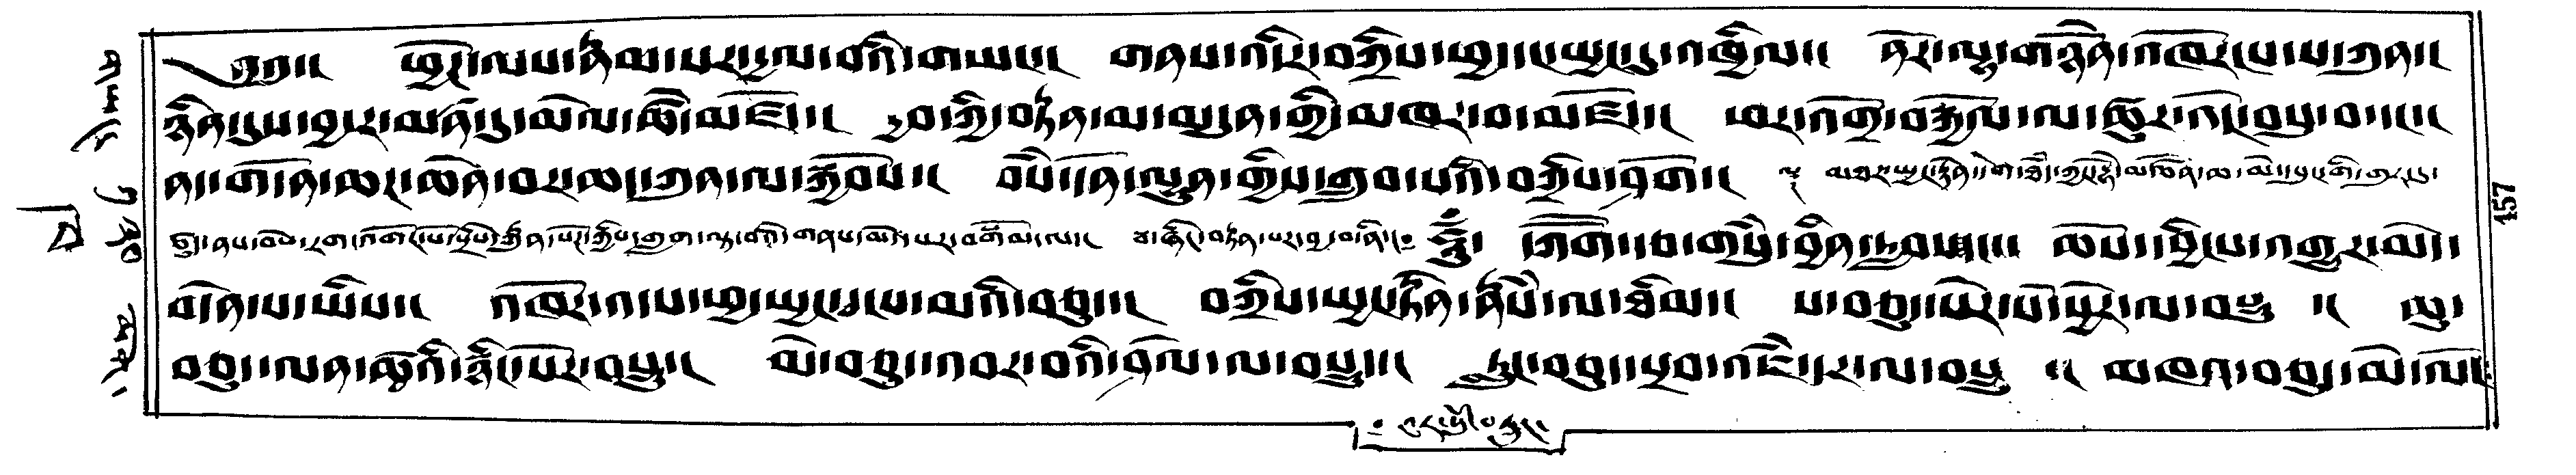ཕྱོགས་ལས་རྣམ་པར་རྒྱལ་བའི་གཡང་། །གནས་འདིར་བཀྲ་ཤིས་ཕྱྭ་དང་གཡང་དུ་འཁྱིལ། །ནོར་ལྷ་གཉེན་པོ་འཁོར་དང་བཅས་པ་ཀུན། །
ཉིན་དུས་བྱ་ར་མཚན་དུས་མེལ་ཚེ་མཛོད། །རྒྱབ་ཀྱི་རྟེན་མ་མདུན་གྱི་མཁར་བ་མཛོད། །ཕར་འགྲོ་བསྐྱོལ་ལ་ཚུར་འོང་བསུ་བ་དང་། །
ན་གདོན་ཆག་ཆེན་བར་ཆད་ཀུན་ལས་སྐྱོབས། །བསམ་དོན་ལྷུན་གྱིས་འགྲུབ་པའི་བཀྲ་ཤིས་ཤོག ། ༈ མཐར་གཡང་རྟེན་དེ་དག་ཐམས་ཅད་ཀྱང་རྡོ་རྗེའི་མཚོན་ཆ་མེ་དཔུང་གི་གུར་དུ་
ཚུད་ནས་བསེ་རག་འགོང་པོ་སྲིས་རྐུན་སོགས་ཀྱིས་གླག་ལྟ་བའི་གནས་མེད་པར་བསྒོམ་ལ། །སྦ་ཞིང་བརྟན་པར་བྱ་བ་ནི། ཧཱུྃ། དཀོན་མཆོག་རྩ་གསུམ་བྱིན་རླབས་དང་། །ཆོས་དབྱིངས་འགྱུར་མེད་
བདེན་པ་ཡིས། །འཁོར་འདས་ཕྱ་གཡང་དྭངས་མའི་བཅུད། །བཀྲ་ཤིས་གཡང་རྟེན་རྣམས་ལ་ཐིམ། །ས་བཅུད་སེར་པོ་གསེར་ལ་བསྡུ། ཆུ་
བཅུ་ལན་ཚའི་སྙིང་པོ་བསྡུ། །མེ་བཅུད་འབར་བའི་ཤེལ་ལ་བསྡུ། །རླུང་བཅུད་སྲབ་འཇམ་དར་ལ་བསྡུ།མཁའ་བཅུད་མེ་ལོང་